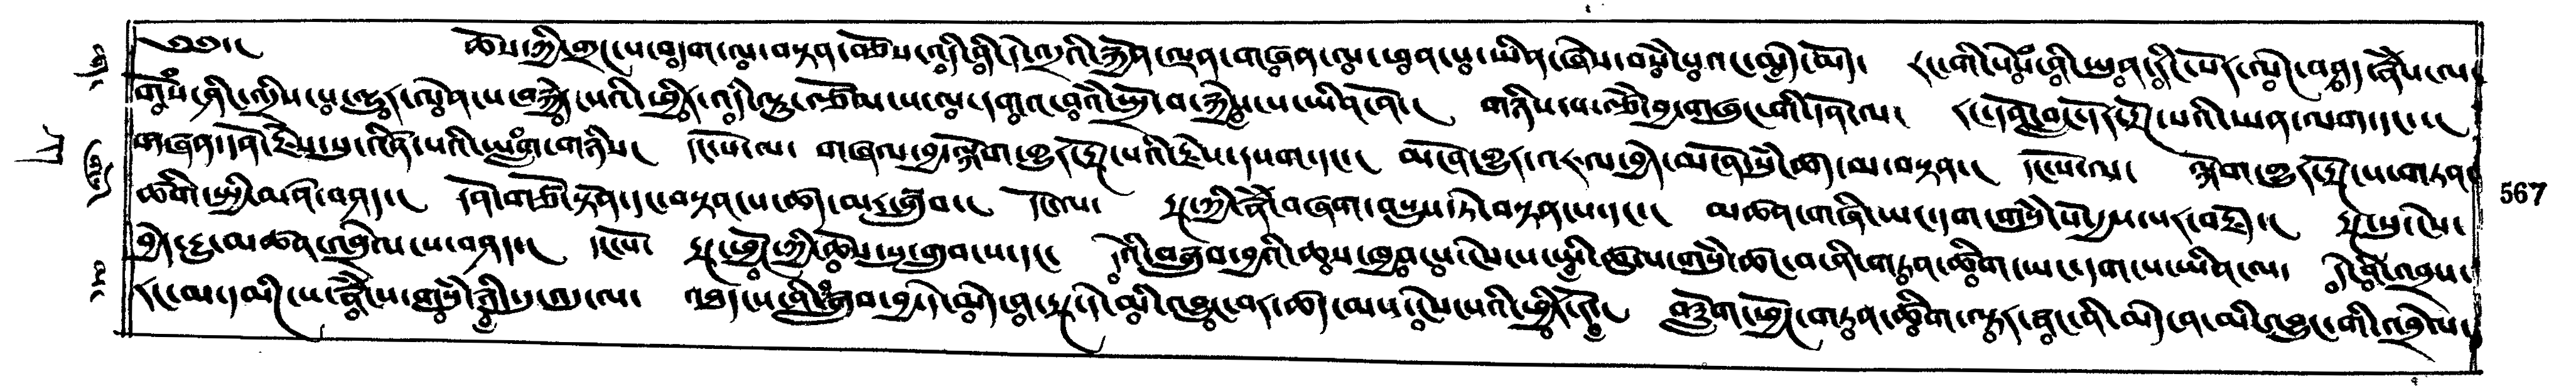ཆོས་ཀྱི་གྲགས་པ་བདག་ལ་བསྟན་བཅོས་འདི་ནི་དེ་འདྲའི་སྐྱོན་ལྡན་གཞན་ལ་ཕན་པ་ཡིན་ཞེས་བསམ་པའང་མེད་མོད། རང་གི་སེམས་ནི་ཡུན་རིང་པོར་ལེགས་བཤད་རྣམས་ལ་
གོམས་ཤིང་འདྲིས་པ་ལྷུར་ལེན་པ་བསྐྱེད་པའི་ཕྱིར་འདི་ལྟ་བུ་རྩོམ་པ་ལ་དགའ་བའམ་སྤྲོ་བ་སྐྱེས་པ་ཡིན་ནོ།། གཉིས་པ་བརྩམ་བྱ་གཞུང་གི་དོན་ལ། རང་དོན་བླང་དོར་རྟོགས་པའི་ཡན་ལག་དང་། །
གཞན་དོན་རྗེས་སུ་འཛིན་པའི་ཡན་ལག་གཉིས། །དང་པོ་ལ། གཞལ་བྱ་ལྐོག་གྱུར་རྟོགས་པའི་རྗེས་དཔག་དང་། །མངོན་གྱུར་འཇལ་བྱེད་མངོན་སུམ་ཚད་མ་བསྟན། །དང་པོ་ལ། ལྐོག་གྱུར་རྟོགས་པ་གཏན་
ཚིགས་སྤྱི་མཚན་བཤད། །དོན་གཙོ་སྟོན་དང་སྟོན་པ་ཚད་མར་སྒྲུབ། དང་པོ་ལ། རྟགས་ཀྱི་རྣམ་གཞག་བསྡུས་ཏེ་བསྟན་པ་དང་། མཚན་གཞི་ཡང་དག་གསུམ་པོ་རྒྱས་པར་བརྗོད།རྟགས་སུ་ངེས་
བྱེད་རྒྱུ་མཚན་འབྲེལ་བ་བཤད།། དང་པོ། རྟགས་ཕྱོགས་ཀྱི་ཆོས་སུ་གྲུབ་པ་དང་། དེའི་བསྒྲུབ་བྱའི་ཆོས་ཁྱབ་པ་ངེས་པའི་ཚུལ་གསུམ་ཚང་བ་ནི་གཏན་ཚིགས་ཡང་དག་པ་ཡིན་ལ། དེ་ནི་འབྲས་
རང་མ་དམིགས་པ་རྣམ་པ་གསུམ་ཉིད་དུ་འདུ་ལ། འཐད་པ་ནི་བསྒྲུབ་བྱ་དེ་མེད་ན་རྟགས་དེ་མི་འབྱུང་བར་ཚད་མས་ངེས་པའི་ཕྱིར་རོ།། བཟློག་ཕྱོགས་གཏན་ཚིགས་ལྟར་སྣང་ནི་མེད་ན་མི་འབྱུང་གི་འབྲེལ་